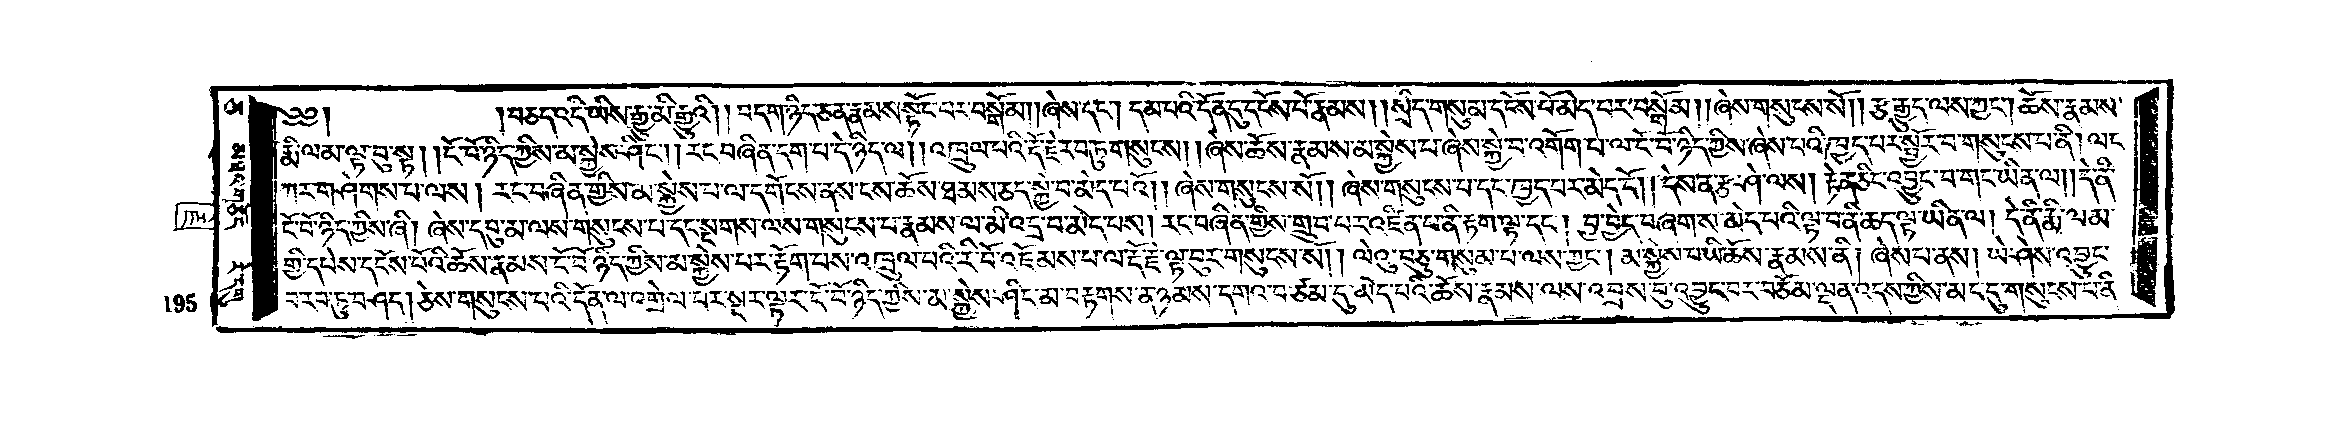༄༅། །བཅད་འདི་ཡིས་རྒྱུ་མི་རྒྱུའི། །བདག་ཉིད་ཅན་རྣམས་སྟོང་པར་བསྒོམ། །ཞེས་དང་། དམ་པའི་དོན་དུ་དངོས་པོ་རྣམས། །སྲིད་གསུམ་དངོས་པོ་མེད་པར་བསྒོམ། །ཞེས་གསུངས་སོ། །རྩ་རྒྱུད་ལས་ཀྱང་། ཆོས་རྣམས་
རྨི་ལམ་ལྟ་བུ་སྟེ། །ངོ་བོ་ཉིད་ཀྱིས་མ་སྐྱེས་ཤིང་། །རང་བཞིན་དག་པ་དེ་ཉིད་ལ། །འཁྲུལ་པའི་རྡོ་རྗེ་རབ་ཏུ་གསུངས། །ཞེས་ཆོས་རྣམས་མ་སྐྱེས་པ་ཞེས་སྐྱེ་བ་འགོག་པ་ལ་ངོ་བོ་ཉིད་ཀྱིས་ཞེས་པའི་ཁྱད་པར་སྦྱོར་བ་གསུངས་པ་ནི། ལང་
ཀར་གཤེགས་པ་ལས། རང་བཞིན་གྱིས་མ་སྐྱེས་པ་ལ་དགོངས་ནས་ངས་ཆོས་ཐམས་ཅད་སྐྱེ་བ་མེད་པའོ། །ཞེས་གསུངས་སོ། །ཞེས་གསུངས་པ་དང་ཁྱད་པར་མེད་དོ། །དེས་ན་རྩ་ཤེ་ལས། རྟེན་ཅིང་འབྱུང་བ་གང་ཡིན་ལ། །དེ་ནི་
ངོ་བོ་ཉིད་ཀྱིས་ཞི། ཞེས་དབུ་མ་ལས་གསུངས་པ་དང་སྔགས་ལས་གསུངས་པ་རྣམས་ལ་མི་འདྲ་བ་མེད་པས། རང་བཞིན་གྱིས་གྲུབ་པར་འཛིན་པ་ནི་རྟག་ལྟ་དང་། བྱ་བྱེད་བཞགས་མེད་པའི་ལྟ་བ་ནི་ཆད་ལྟ་ཡིན་ལ། དེ་ནི་རྨི་ལམ་
གྱི་དཔེས་དངོས་པོའི་ཆོས་རྣམས་ངོ་བོ་ཉིད་ཀྱིས་མ་སྐྱེས་པར་རྟོག་པས་འཁྲུལ་པའི་རི་བོ་འཇོམས་པ་ལ་རྡོ་རྗེ་ལྟ་བུར་གསུངས་སོ། །ལེའུ་བཅུ་གསུམ་པ་ལས་ཀྱང་། མ་སྐྱེས་པ་ཡི་ཆོས་རྣམས་ནི། ཞེས་པ་ནས། ཡེ་ཤེས་འབྱུང་
བ་རབ་ཏུ་བཤད། ཅེས་གསུངས་པའི་དོན་ལ་འགྲེལ་པར་སྔར་ལྟར་ངོ་བོ་ཉིད་ཀྱིས་མ་སྐྱེས་ཤིང་མ་བརྟགས་ན་ཉམས་དགའ་བ་ཙམ་དུ་ཡོད་པའི་ཆོས་རྣམས་ལས་འབྲས་བུ་འབྱུང་བར་བཅོམ་ལྡན་འདས་ཀྱིས་མང་དུ་གསུངས་པ་ནི་